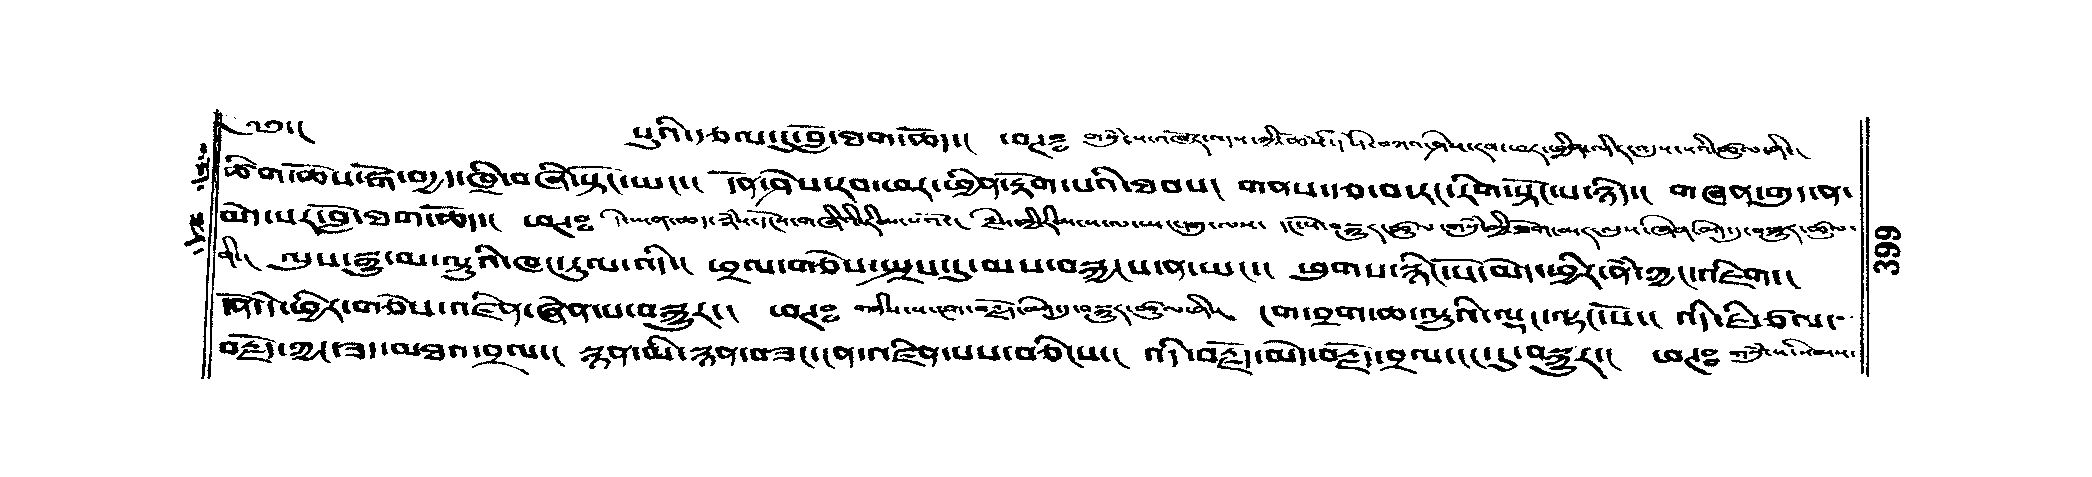པུའི་རྩལ་དུ་བློ་ཐག་ཆོད། །ཕཊཿགསུམ་པ་འཁོར་འདས་ཀྱི་ཆོས་དེ་བཀའ་ཤེས་རབ་ཕར་ཕྱིན་འདིར་འདུས་པའི་ཚུལ་ནི། 
ཚིག་ཆོས་སྒོ་བརྒྱད་ཁྲི་བཞི་སྟོང་ཡང་། །དོན་ཤེས་རབཕར་ཕྱིན་རྟོགས་པའི་ཐབས། །གནས་རྩ་བ་རང་རིག་སྟོང་པ་ཉིད། །གཞན་གུད་ན་
མེད་པར་བློ་ཐག་ཆོད། །ཕཊཿདེ་ཡན་ཆད་རྣམས་དངོས་གཞིའི་ལརིམ་པའོ། རྗེས་ཀྱི་རིམ་པ་ལ་ཡང་དགུ་ལས། དང་པོ་བསྒྱུར་ཚུལ་གསུམ་གྱི་ཐོག་མར་ལུས་ཞེན་མེད་དུ་བསྒྱུར་ཚུལ་
ནི། ལུས་སྒྱུ་མ་ལྟ་བུའི་ཁང་རུལ་འདི། །ཕྲལ་གཅེས་སྤྲས་དུ་མས་བསྐྱངས་ན་ཡང་། །ཕུགས་སྙིང་པོ་མེད་ཕྱིར་ནམ་ཡང་འཇིག་།
དོན་དེ་ཕྱིར་གཅེས་འཛིན་ཞེན་པ་བསྐྱུར། །ཕཊཿགཉིས་པ་ངག་བརྗོད་མེད་དུ་བསྒྱུར་ཚུལ་ནི། ངག་བྲག་ཆ་ལྟ་བུའི་ལྷང་ལྷང་པོ། །འདི་ཇི་ཙམ་
བརྗོད་ཀྱང་ཟད་མཐའ་བྲལ། །སྙན་མི་སྙན་བཟང་ངན་འཛིན་པས་བཅིངས། །འདི་བརྗོད་མེད་བརྗོད་བྲལ་ངང་དུ་བསྐྱུར། །ཕཊཿགསུམ་པ་སེམས་a